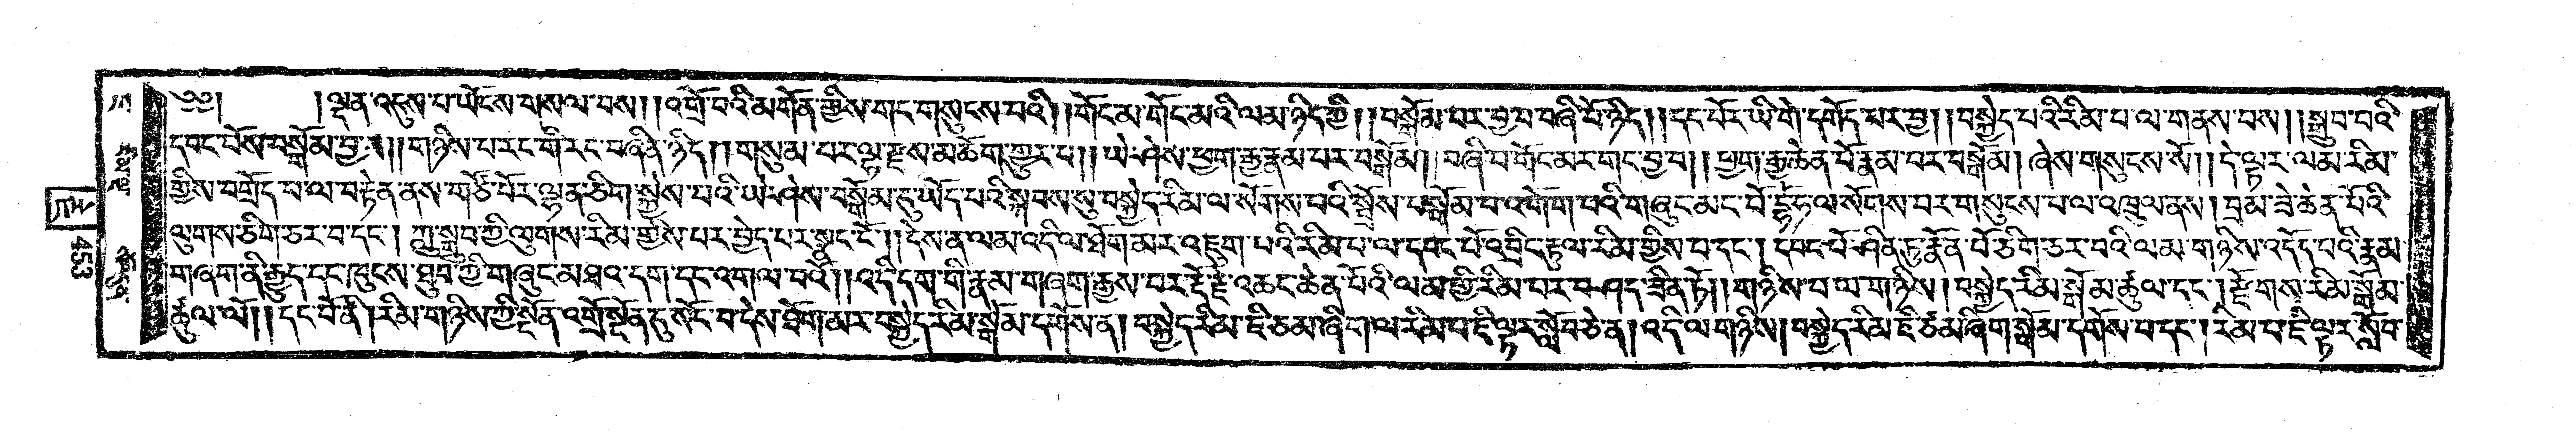༄༅། །ལྡན་འདུས་པ་ཡོངས་གསལ་བས། །འགྲོ་བའི་མགོན་གྱིས་གང་གསུངས་པའི། །གོང་མ་གོང་མའི་ལམ་ཉིད་ཀྱི། །བསྒོམ་པར་བྱ་བ་བཞི་པོ་ཉིད། །དང་པོར་ཡི་གེ་དགོད་པར་བྱ། །བསྐྱེད་པའི་རིམ་པ་ལ་གནས་པས། །སྒྲུབ་པའི་
དབང་པོས་བསྒོམ་བྱ་བ། །གཉིས་པ་རང་གི་རང་བཞིན་ཉིད། །གསུམ་པར་ལྷ་རྫས་མཆོག་གྱུར་བ། །ཡེ་ཤེས་ཕྱག་རྒྱ་རྣམ་པར་བསྒོམ། །བཞི་པ་གོང་མར་གང་བྱ་བ། །ཕྱག་རྒྱ་ཆེན་པོ་རྣམ་པར་བསྒོམ། ཞེས་གསུངས་སོ། །དེ་ལྟར་ལམ་རིམ་
གྱིས་བགྲོད་པ་ལ་བརྟེན་ནས་གཙོ་བོར་ལྷན་ཅིག་སྐྱེས་པའི་ཡེ་ཤེས་བསྒོམ་དུ་ཡོད་པའི་སྐབས་སུ་བསྐྱེད་རིམ་ལ་སོགས་པའི་སྤྲོས་པ་སྒོམ་པ་འགོག་པའི་གཞུང་མང་པོ་དྷོ་ཧ་ལ་སོགས་པར་གསུངས་པ་ལ་འཁྲུལ་ནས། བྲམ་ཟེ་ཆེན་པོའི་
ལུགས་ཅིག་ཅར་བ་དང་། ཀླུ་སྒྲུབ་ཀྱི་ལུགས་རིམ་གྱིས་པར་བྱེད་པར་སྣང་ངོ། །དེས་ན་ལམ་འདི་ལ་ཐོག་མར་འཇུག་པའི་རིམ་པ་ལ་དབང་པོ་འབྲིང་རྟུལ་རིམ་གྱིས་པ་དང་། དབང་པོ་ཤིན་ཏུ་རྣོན་པོ་ཅིག་ཅར་བའི་ལམ་གཉིས་འདོད་པའི་རྣམ་
གཞག་ནི་རྒྱུད་དང་ཁུངས་ཐུབ་ཀྱི་གཞུང་མཐའ་དག་དང་འགལ་བའོ། །འདི་དག་གི་རྣམ་གཞག་རྒྱས་པར་རྡོ་རྗེ་འཆར་ཆེན་པོའི་ལམ་གྱི་རིམ་པར་བཤད་ཟིན་ཏོ། །གཉིས་པ་ལ་གཉིས། བསྐྱེད་རིམ་སྒོམ་ཚུལ་དང་། རྫོགས་རིམ་སྒོམ་
ཚུལ་ལོ། །དང་པོ་ནི། རིམ་གཉིས་ཀྱི་སྔོན་འགྲོ་སྔོན་དུ་སོང་བ་དེས་ཐོག་མར་བསྐྱེད་རིམ་སྒོམ་དགོས་ན། བསྐྱེད་རིམ་ཇི་ཙམ་ཞིག་ལ་རིམ་པ་ཇི་ལྟར་སློབ་ཅེ་ན། འདི་ལ་གཉིས། བསྐྱེད་རིམ་ཇི་ཙམ་ཞིག་སྒོམ་དགོས་པ་དང་། རིམ་པ་ཇི་ལྟར་སློབ་